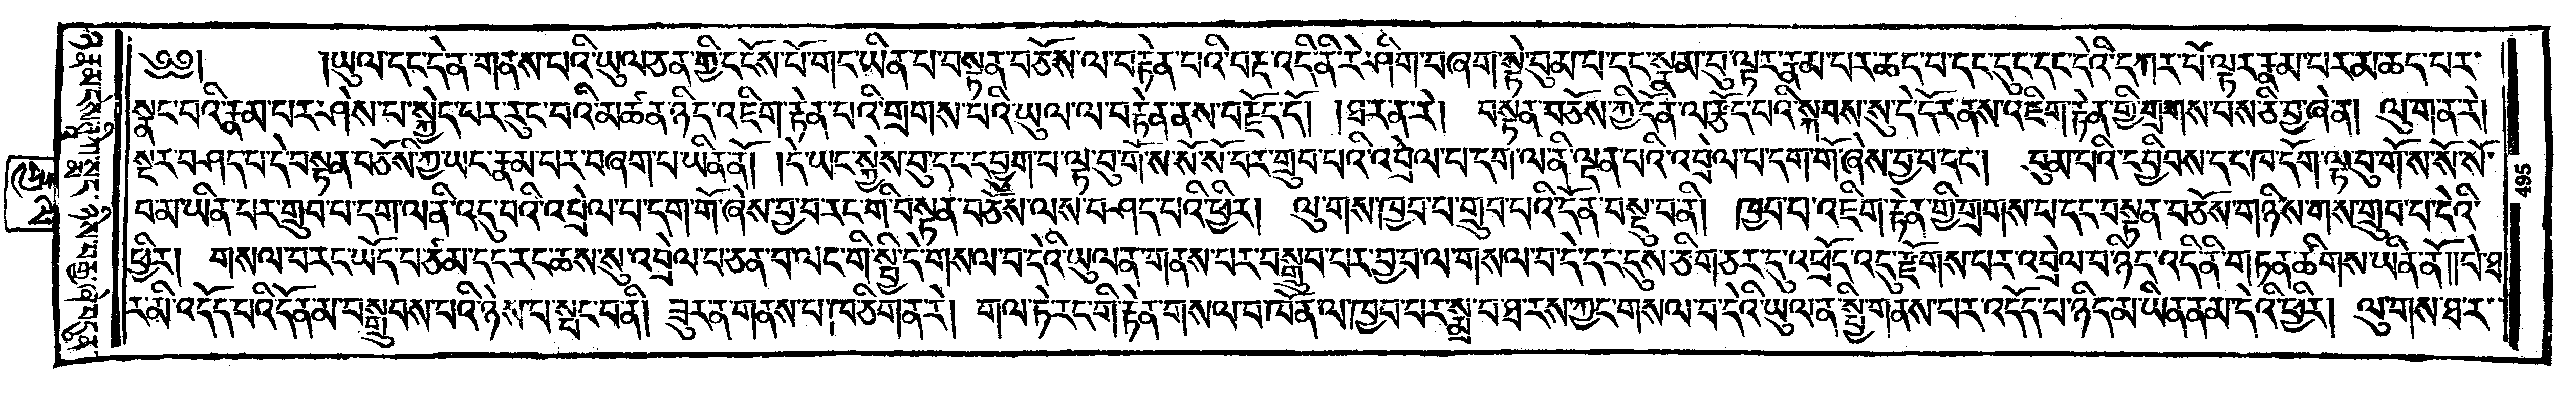༄༅། །ཡུལ་དང་དེ་ན་གནས་པའི་ཡུལ་ཅན་གྱི་དངོས་པོ་གང་ཡིན་པ་བསྟན་བཅོས་ལ་བརྟེན་པའི་བརྡ་འདི་ནི་རེ་ཤིག་བཞག་སྟེ་བུམ་པ་དང་སྣམ་བུ་ལྟར་རྣམ་པར་ཆད་པ་དང་དུང་དང་དེའི་དཀར་པོ་ལྟར་རྣམ་པར་མ་ཆད་པར་
སྣང་བའི་རྣམ་པར་ཤེས་པ་སྐྱེད་པར་རུང་བའི་མཚན་ཉིད་འཇིག་རྟེན་པའི་གྲགས་པའི་ཡུལ་ལ་བརྟེན་ནས་བརྗོད་དོ། །ཐ་ར་ན་རེ། བསྟན་བཅོས་ཀྱི་དོན་ལ་རྩོད་པའི་སྐབས་སུ་དེ་དོར་ནས་འཇིག་རྟེན་གྱི་གྲགས་པས་ཅི་བྱ་ཞེ་ན། ལུ་ག་ན་རེ།
སྔར་བཤད་པ་དེ་བསྟན་བཅོས་ཀྱི་ཡང་རྣམ་པར་བཞག་པ་ཡིན་ནོ། །དེ་ཡང་སྐྱེས་བུ་དང་དབྱུག་པ་ལྟ་བུ་གོ་ས་སོ་སོ་བར་གྲུབ་པའི་འབྲེལ་བ་དག་ལན་ལྡན་པའི་འབྲེལ་པ་དག་གོ་ཞེས་བྱ་བ་དང་། བུམ་པའི་དབྱིབས་དང་ཁ་དོག་ལྟ་བུ་གོ་ས་སོ་སོ་
བ་མ་ཡིན་པར་གྲུབ་པ་དག་ལ་ནི་འདུ་བའི་འབྲེལ་པ་དག་གོ་ཞེས་བྱ་བ་རང་གི་བསྟན་བཅོས་ལས་བཤད་པའི་ཕྱིར། ལུ་གས་ཁྱབ་པ་གྲུབ་པའི་དོན་བསྡུ་བ་ནི། ཁྱབ་པ་འཇིག་རྟེན་གྱི་གྲགས་པ་དང་བསྟན་བཅོས་གཉིས་གས་གྲུབ་པ་དེའི་
ཕྱིར། གསལ་བར་རང་ཡོད་པ་ཙམ་དང་རང་ཆས་སུ་འབྲེལ་པ་ཅན་བ་ལང་གི་སྤྱི་དེ་གསལ་བ་དེའི་ཡུལ་ན་གནས་པར་བསྒྲུབ་པར་བྱ་བ་ལ་གསལ་བ་དེ་དང་དུས་ཅིག་ཅར་དུ་འཕྲོད་འདུ་རྫོགས་པར་འབྲེལ་བ་ཉིད་འདི་ནི་གཏན་ཚིགས་ཡིན་ནོ། །པེ་ཐ་
ར་མི་འདོད་པའི་དོན་མ་བསྒྲུབས་པའི་ཉེས་པ་སྤང་བ་ནི། ཟུར་ན་གནས་པ་ཁ་ཅིག་ན་རེ། གལ་ཏེ་རང་གི་རྟེན་གསལ་བ་ཁོ་ན་ལ་ཁྱབ་པར་སྨྲ་བ་ཐ་རས་ཀྱང་གསལ་བ་དེའི་ཡུལ་ན་སྤྱི་གནས་པར་འདོད་པ་ཉིད་མ་ཡིན་ནམ་དེའི་ཕྱིར། ལུ་གས་ཐ་ར་